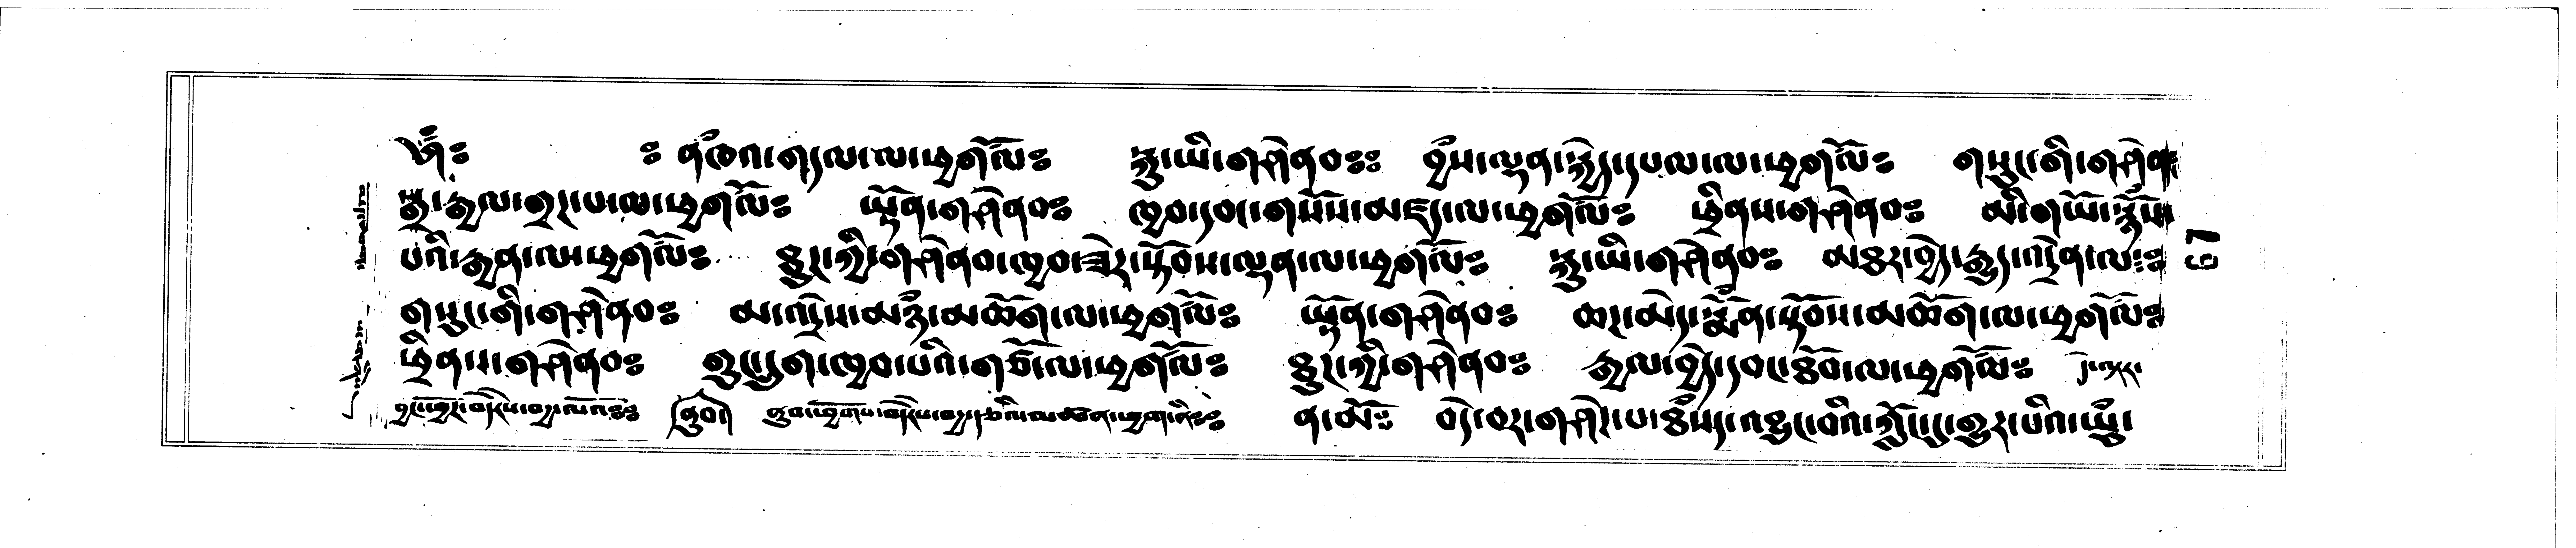ནམ་མཁའ་བདལ་ལ་ཕྱག་འཚལ་ལོཿ སྐུ་ཡི་གཤེན་རབཿ བྱམས་ལྡན་སྐྱེད་དཔལ་ལ་ཕྱག་འཚལ་ལོཿ གསུང་གི་གཤེན་རབ་ལཿ 
སྒྲ་རྒྱལ་གྲགས་པ་ལ་ཕྱག་འཚལ་ལོཿ ཡོན་ཏན་གྱི་གཤེན་རབཿ ཁྱབ་དབང་གསོས་མཛད་ལ་ཕྱག་འཚལ་ལོཿ ཕྲིན་ལས་ཀྱི་གཤེན་རབཿ མི་གཡོ་སྙོམས་
པའི་རྒྱན་ལ་ཕྱག་འཚལ་ལོཿ ཐུགས་ཀྱི་གཤེན་རབཿ ཁྱབ་ཟེར་སྟོབས་ལྡན་ལ་ཕྱག་འཚལ་ལོཿ སྐུ་ཡི་གཤེན་རབཿ མཐར་བྱེད་རྒྱུད་འདྲེན་ལ་ཕྱག་འཚལ་ལོཿ 
གསུང་གི་གཤེན་རབ་ལཿ མ་འདྲེས་མཉམ་མཆོག་ལ་ཕྱག་འཚལ་ལོཿ ཡོན་ཏན་གྱི་གཤེན་རབཿ ཆགས་མེད་སྨོན་ལམ་སྟོབས་མཆོག་ལ་ཕྱག་འཚལ་ལོཿ 
ཕྲིན་ལས་ཀྱི་གཤེན་རབཿ གུང་དྲུག་ཁྱབ་པའི་གཙོ་ལ་ཕྱག་འཚལ་ལོཿ ཐུགས་ཀྱི་གཤེན་རབཿ རྒྱལ་བྱེད་དབང་ཐོབ་ལ་ཕྱག་འཚལ་ལོཿ དེ་ལྟར་
བྱང་ཕྱོགས་བདེར་གཤེགས་བརྒྱ་ལའོཿ ༼ནུབ༽ནུབ་ཕྱོགས་བདེར་གཤེགས་བརྒྱ་རྩའི་མཚན་ཕྱག་ནིཿ ན་མོ་ བདེ་བར་གཤེགས་པ་ཐམས་ཅད་འབྱུང་བའི་ཀློང་དུ་གྱུར་པའི་ཡུམ་